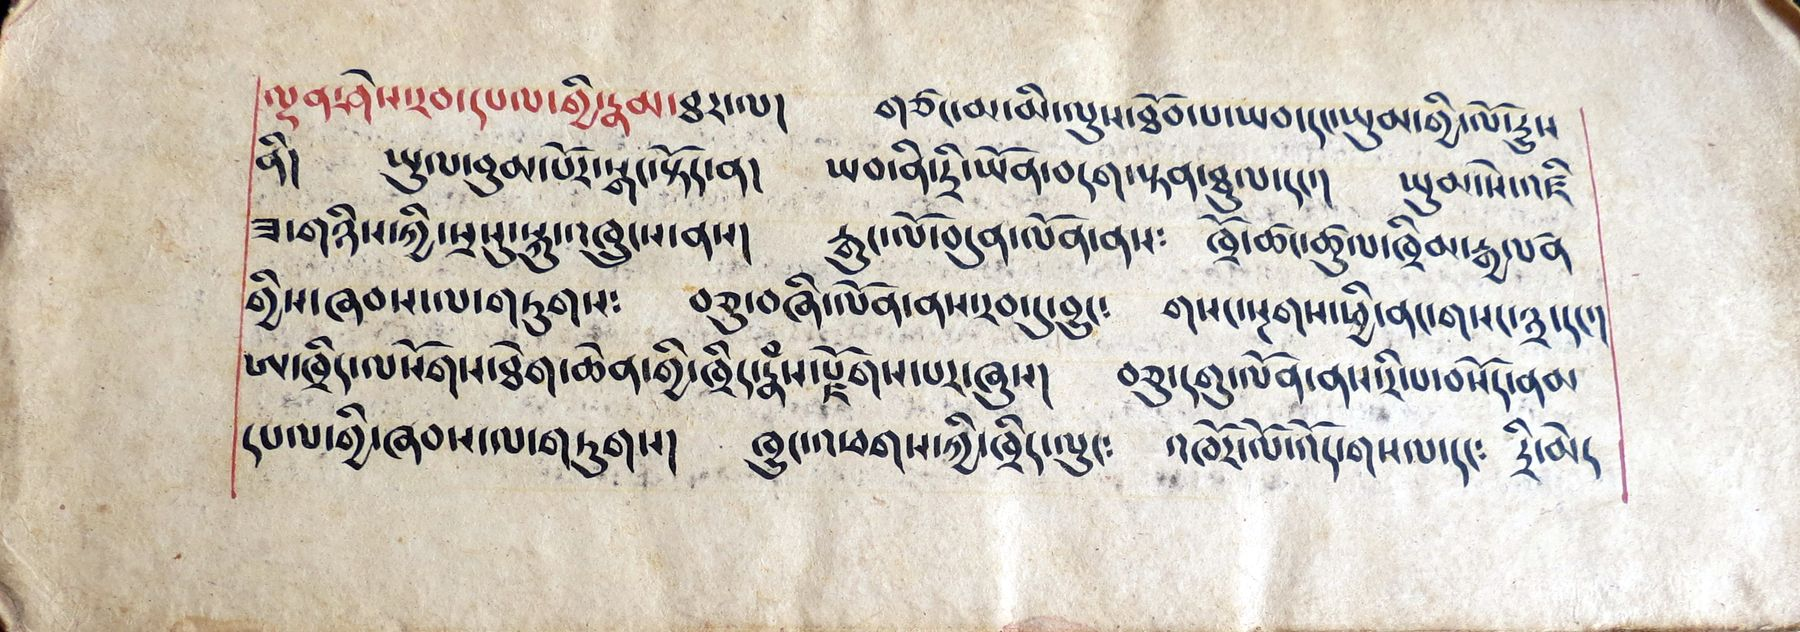ལྡན་ཤེས་རབ་དཔལ་གྱི་རྣམ་ཐར་ལ། གཙང་མ་མི་ལུས་ཐོབ་པ་དང་ཡབ་དང་ཡུམ་གྱི་ལོ་རྒྱུས་
ནི། ཡུལ་བུམ་པོར་སྒང་སྟོད་ན། ཡབ་ནི་དྲི་ཡོན་བདག་སྟན་ཐུལ་དང་། ཡུམ་སེ་འཛི་
ཟ་གཉིས་ཀྱི་སྲས་སུ་སྐུ་འཁྲུངས་ནས། རྒུང་ལོ་བདུན་ལོན་ནས། ཁྲོ་ཚང་ཚུལ་ཁྲིམས་རྒྱལ་མཚན་
གྱིས་ཞབས་ལ་གཏུགས། བཅུ་བཞི་ལོན་ནས་རབ་ཏུ་བྱུང་། གསང་སྔགས་ཕྱི་ནང་གསང་གསུམ་དང་། 
ཨ་ཁྲིད་ལ་སོགས་ཐེག་ཆེན་གྱི་ཁྲིད་རྣམས་རྫོགས་པར་ཞུས། བཅུ་དགུ་ལོན་ནས་རི་པ་བསོད་ནམས་
དཔལ་གྱི་ཞབས་ལ་གཏུགས། ཁྱུང་འཕགས་ཀྱི་ཁྲིད་ལུང་། འཁོར་ལོ་འོད་གསལ་དང་། དྲི་མེད་